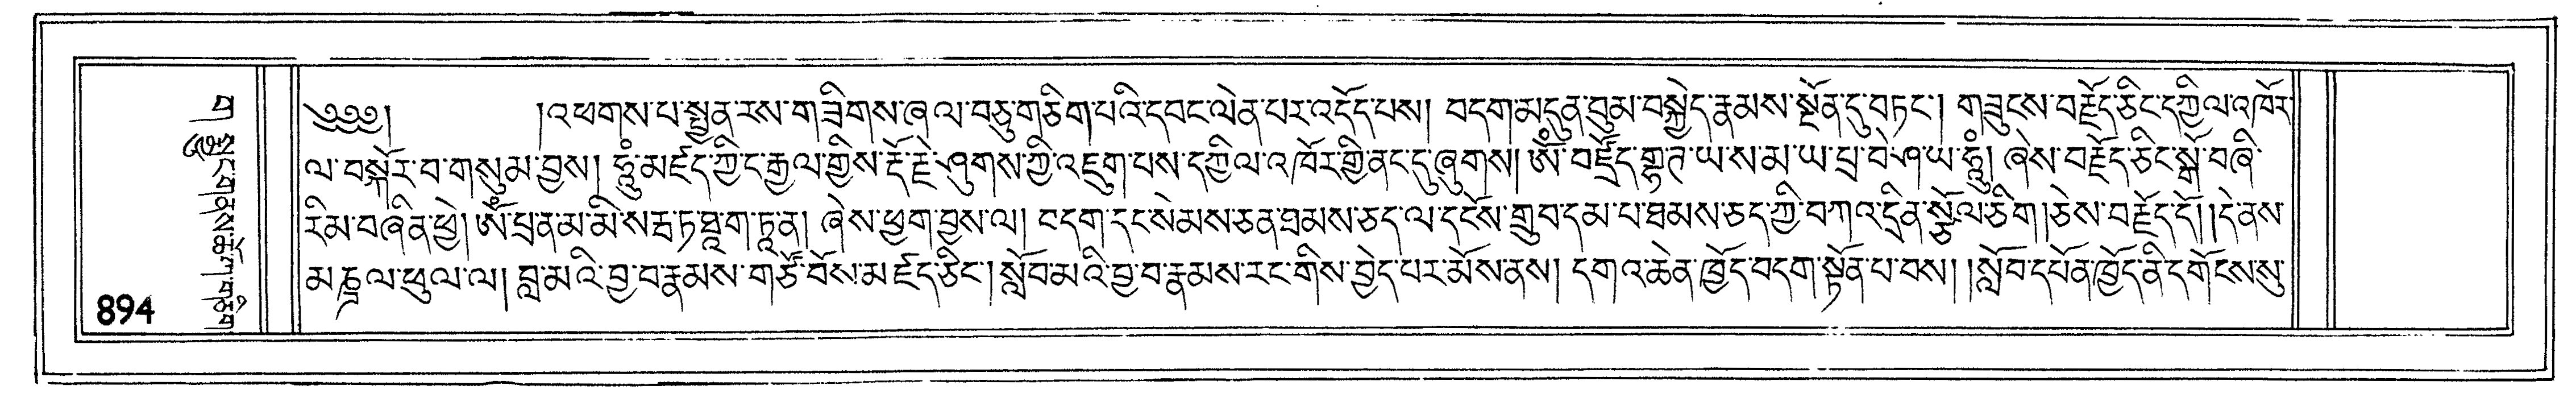༄༅༅། །འཕགས་པ་སྤྱན་རས་གཟིགས་ཞལ་བཅུ་གཅིག་པའི་དབང་ལེན་པར་འདོད་པས། བདག་མདུན་བུམ་བསྐྱེད་རྣམས་སྔོན་དུ་བཏང་། གཟུངས་བརྗོད་ཅིང་དཀྱིལ་འཁོར་
ལ་བསྐོར་བ་གསུམ་བྱས། ཧཱུཾ་མཛད་ཀྱི་ང་རྒྱལ་གྱིས་རྡོ་རྗེ་ཤུགས་ཀྱི་འཇུག་པས་དཀྱིལ་འཁོར་གྱི་ནང་དུ་ཞུགས། ཨོཾ་བཛྲོད་གྷ་ཊ་ཡ་ས་མ་ཡ་པྲ་བེ་ཤ་ཡ་ཧཱུཾ། ཞེས་བརྗོད་ཅིང་སྒོ་བཞི་
རིམ་བཞིན་ཕྱེ། ཨོཾ་པྲ་ན་མ་མི་སརྦ་ཏ་ཐཱ་ག་ཏཱ་ན། ཞེས་ཕྱག་བྱས་ལ། བདག་དང་སེམས་ཅན་ཐམས་ཅད་ལ་དངོས་གྲུབ་དམ་པ་ཐམས་ཅད་ཀྱི་བཀའ་དྲིན་སྩོལ་ཅིག །ཅེས་བརྗོད་དོ། །དེ་ནས་
མཎྜལ་ཕུལ་ལ། བླ་མའི་བྱ་བ་རྣམས་གཙོ་བོས་མཛད་ཅིང་། སློབ་མའི་བྱ་བ་རྣམས་རང་གིས་བྱེད་པར་མོས་ནས། དགའ་ཆེན་ཁྱོད་བདག་སྟོན་པ་བས། །སློབ་དཔོན་ཁྱོད་ནི་དགོངས་སུ་